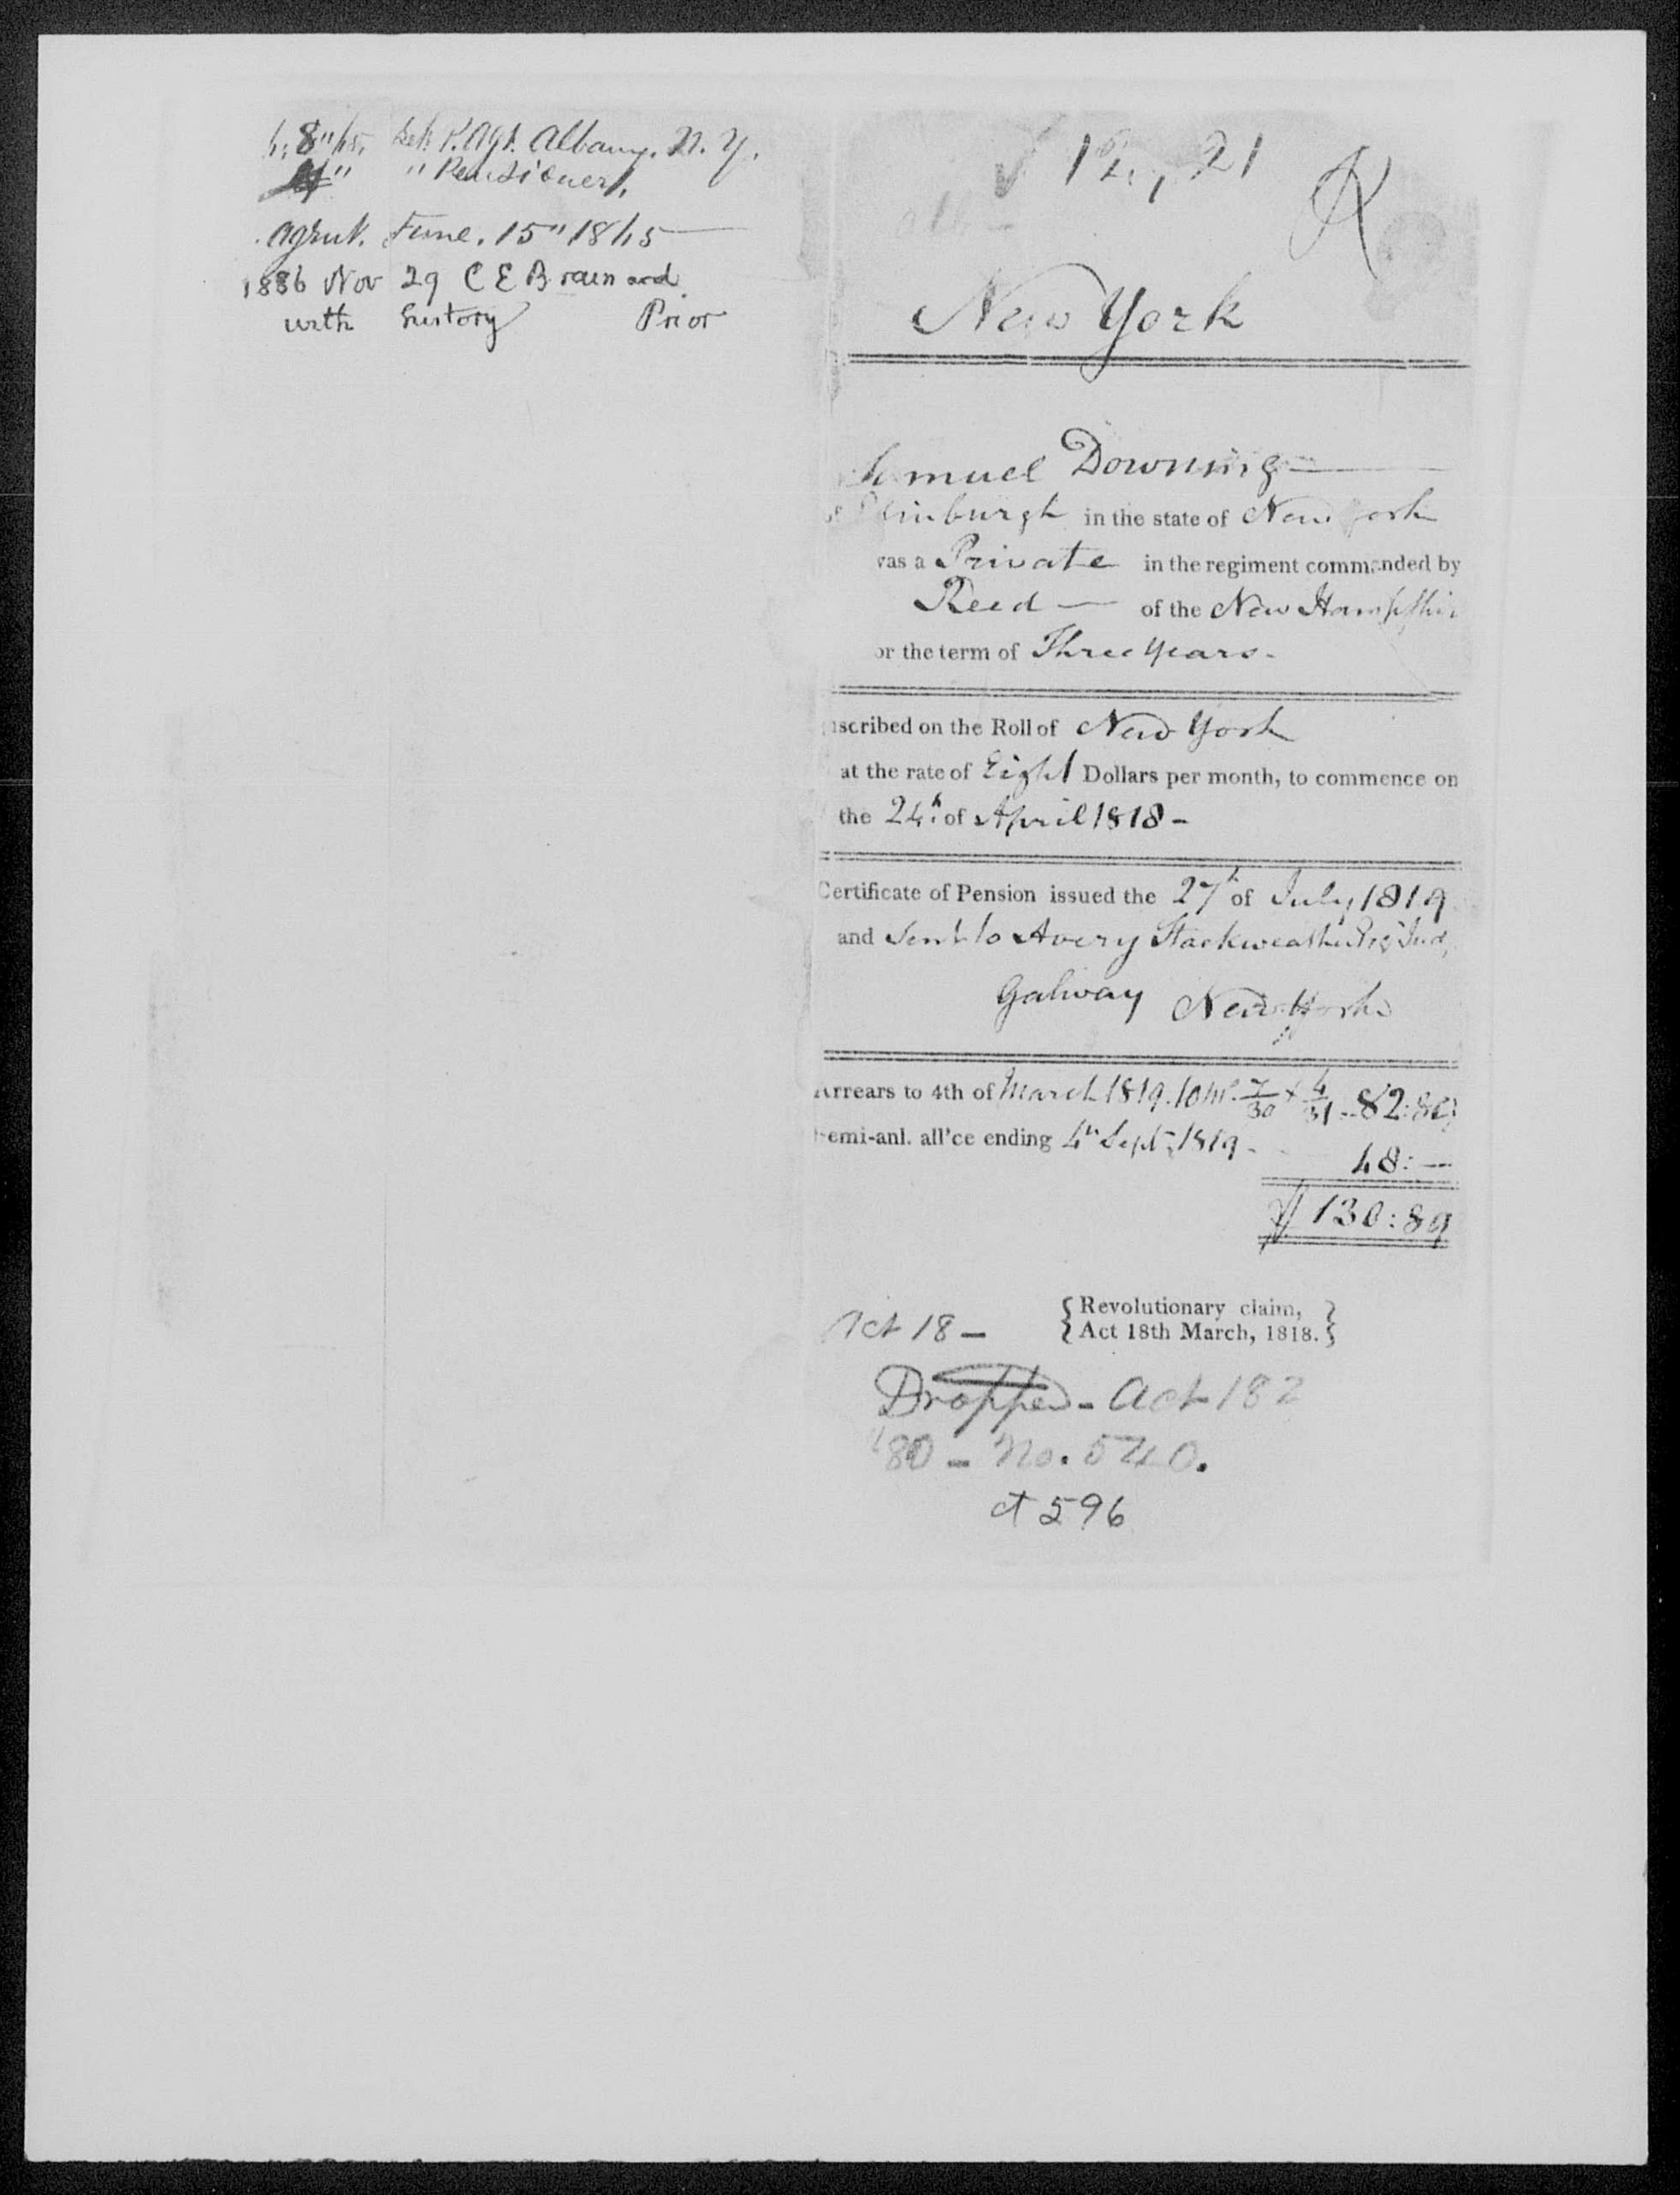1:8 11/18 (illegible)Albany, N.Y.
“ “ Pensioner,
Agrut. June,15”18/15
1886 Nov 29 C E B (illegible)
with histor 12,21 R
New York
Samuel Downing
Edinburg in the state of New York was a Private in the regiment commanded by Reed of the New Hampshire for the term of Three Years.
Scribed on the Roll of New York at the rate of Eight Dollars per month, to commence on the 24th of April 1818-
Certificate of Pension issued the 27th of July 1819 and Sent to Avery Stearkweather (illegible)
Galway New York 
Arrears to the 4th of March 1819.
                                     10m   7/3ax4/31..82:89 Semi-an. all’ce ending 4th Sept, 1819  48:-
                                                          _________
                                                               $130:89
Act 18- Revolutionary claim,
              Act 18th March, 1818
Dropper - Act 182
80-No.540
t596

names: C E Brainard, Reed, Samuel Downing, Avery Stockweather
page: 2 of 56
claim: survivor's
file: S. 40,055, Samuel Downing, N.H.